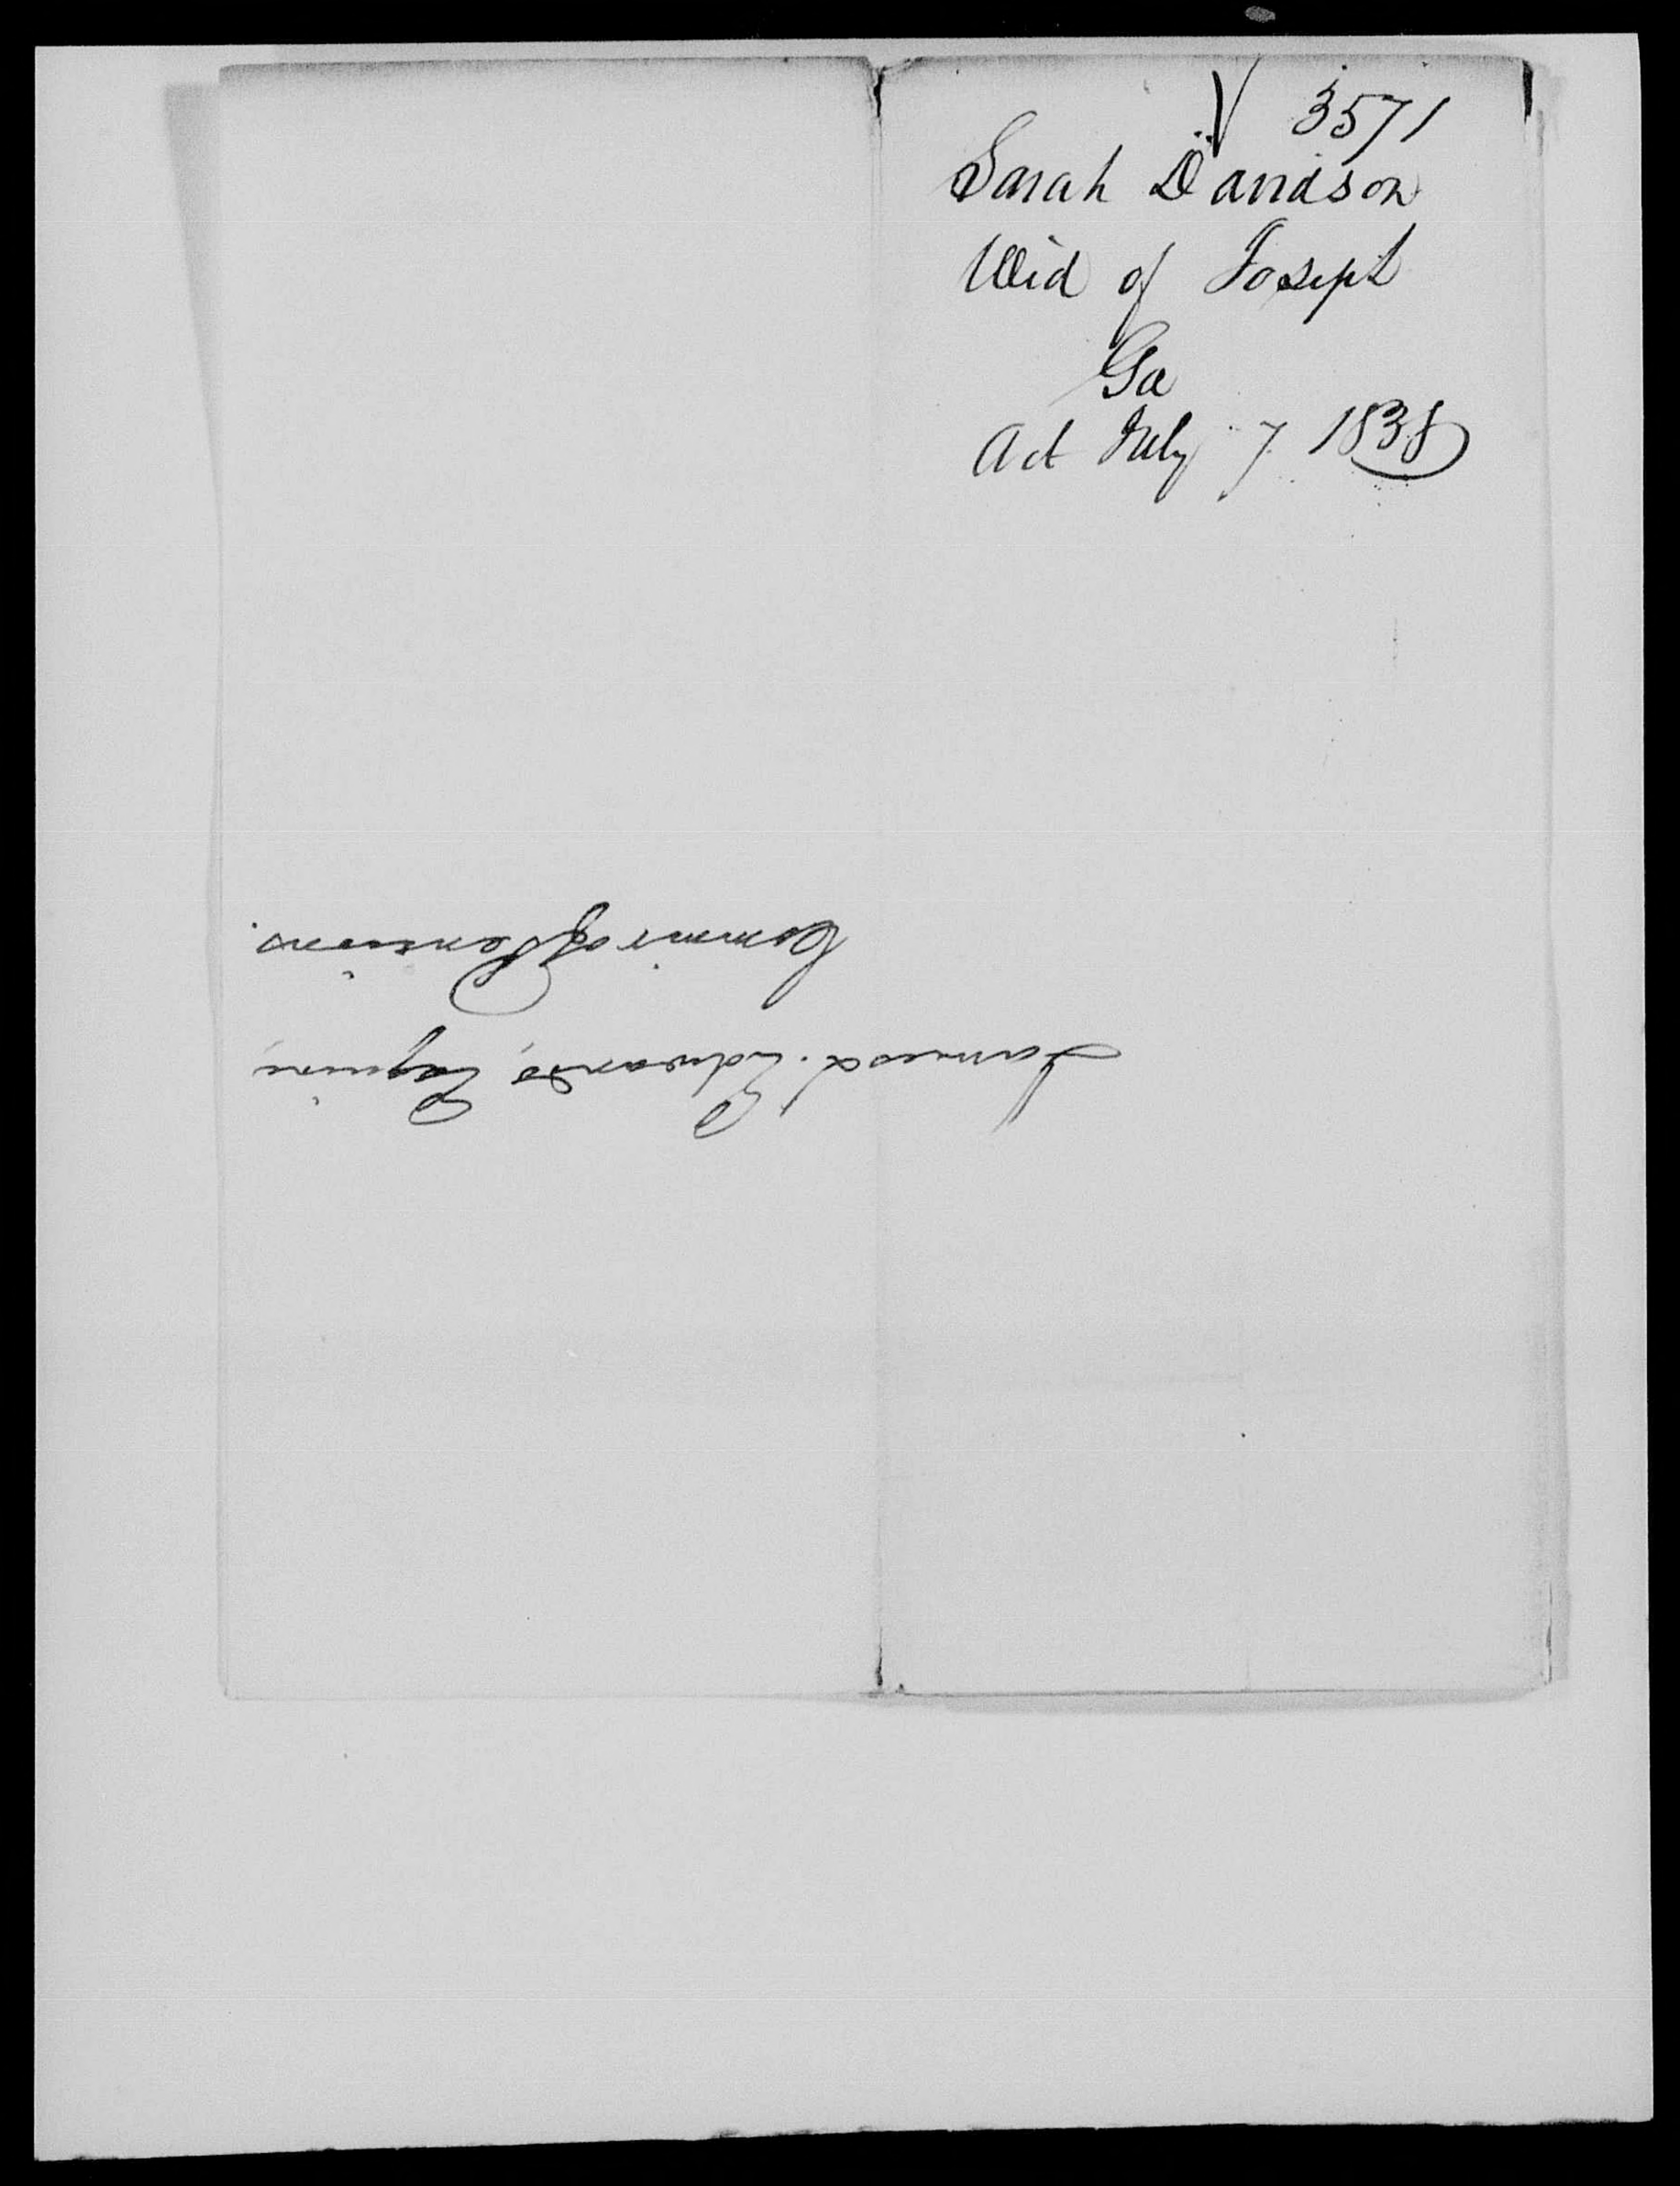3571
Sarah Davidson
Wid of Joseph
Ga
Act July 7. 1838


upside down at bottom:

James L. Edwards, Esquire
Commr of Pensions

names: James L Edwards, Sarah Davidson, Joseph Davidson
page: 28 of 63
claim: widow's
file: W. 4175, Joseph Davidson, N.C.